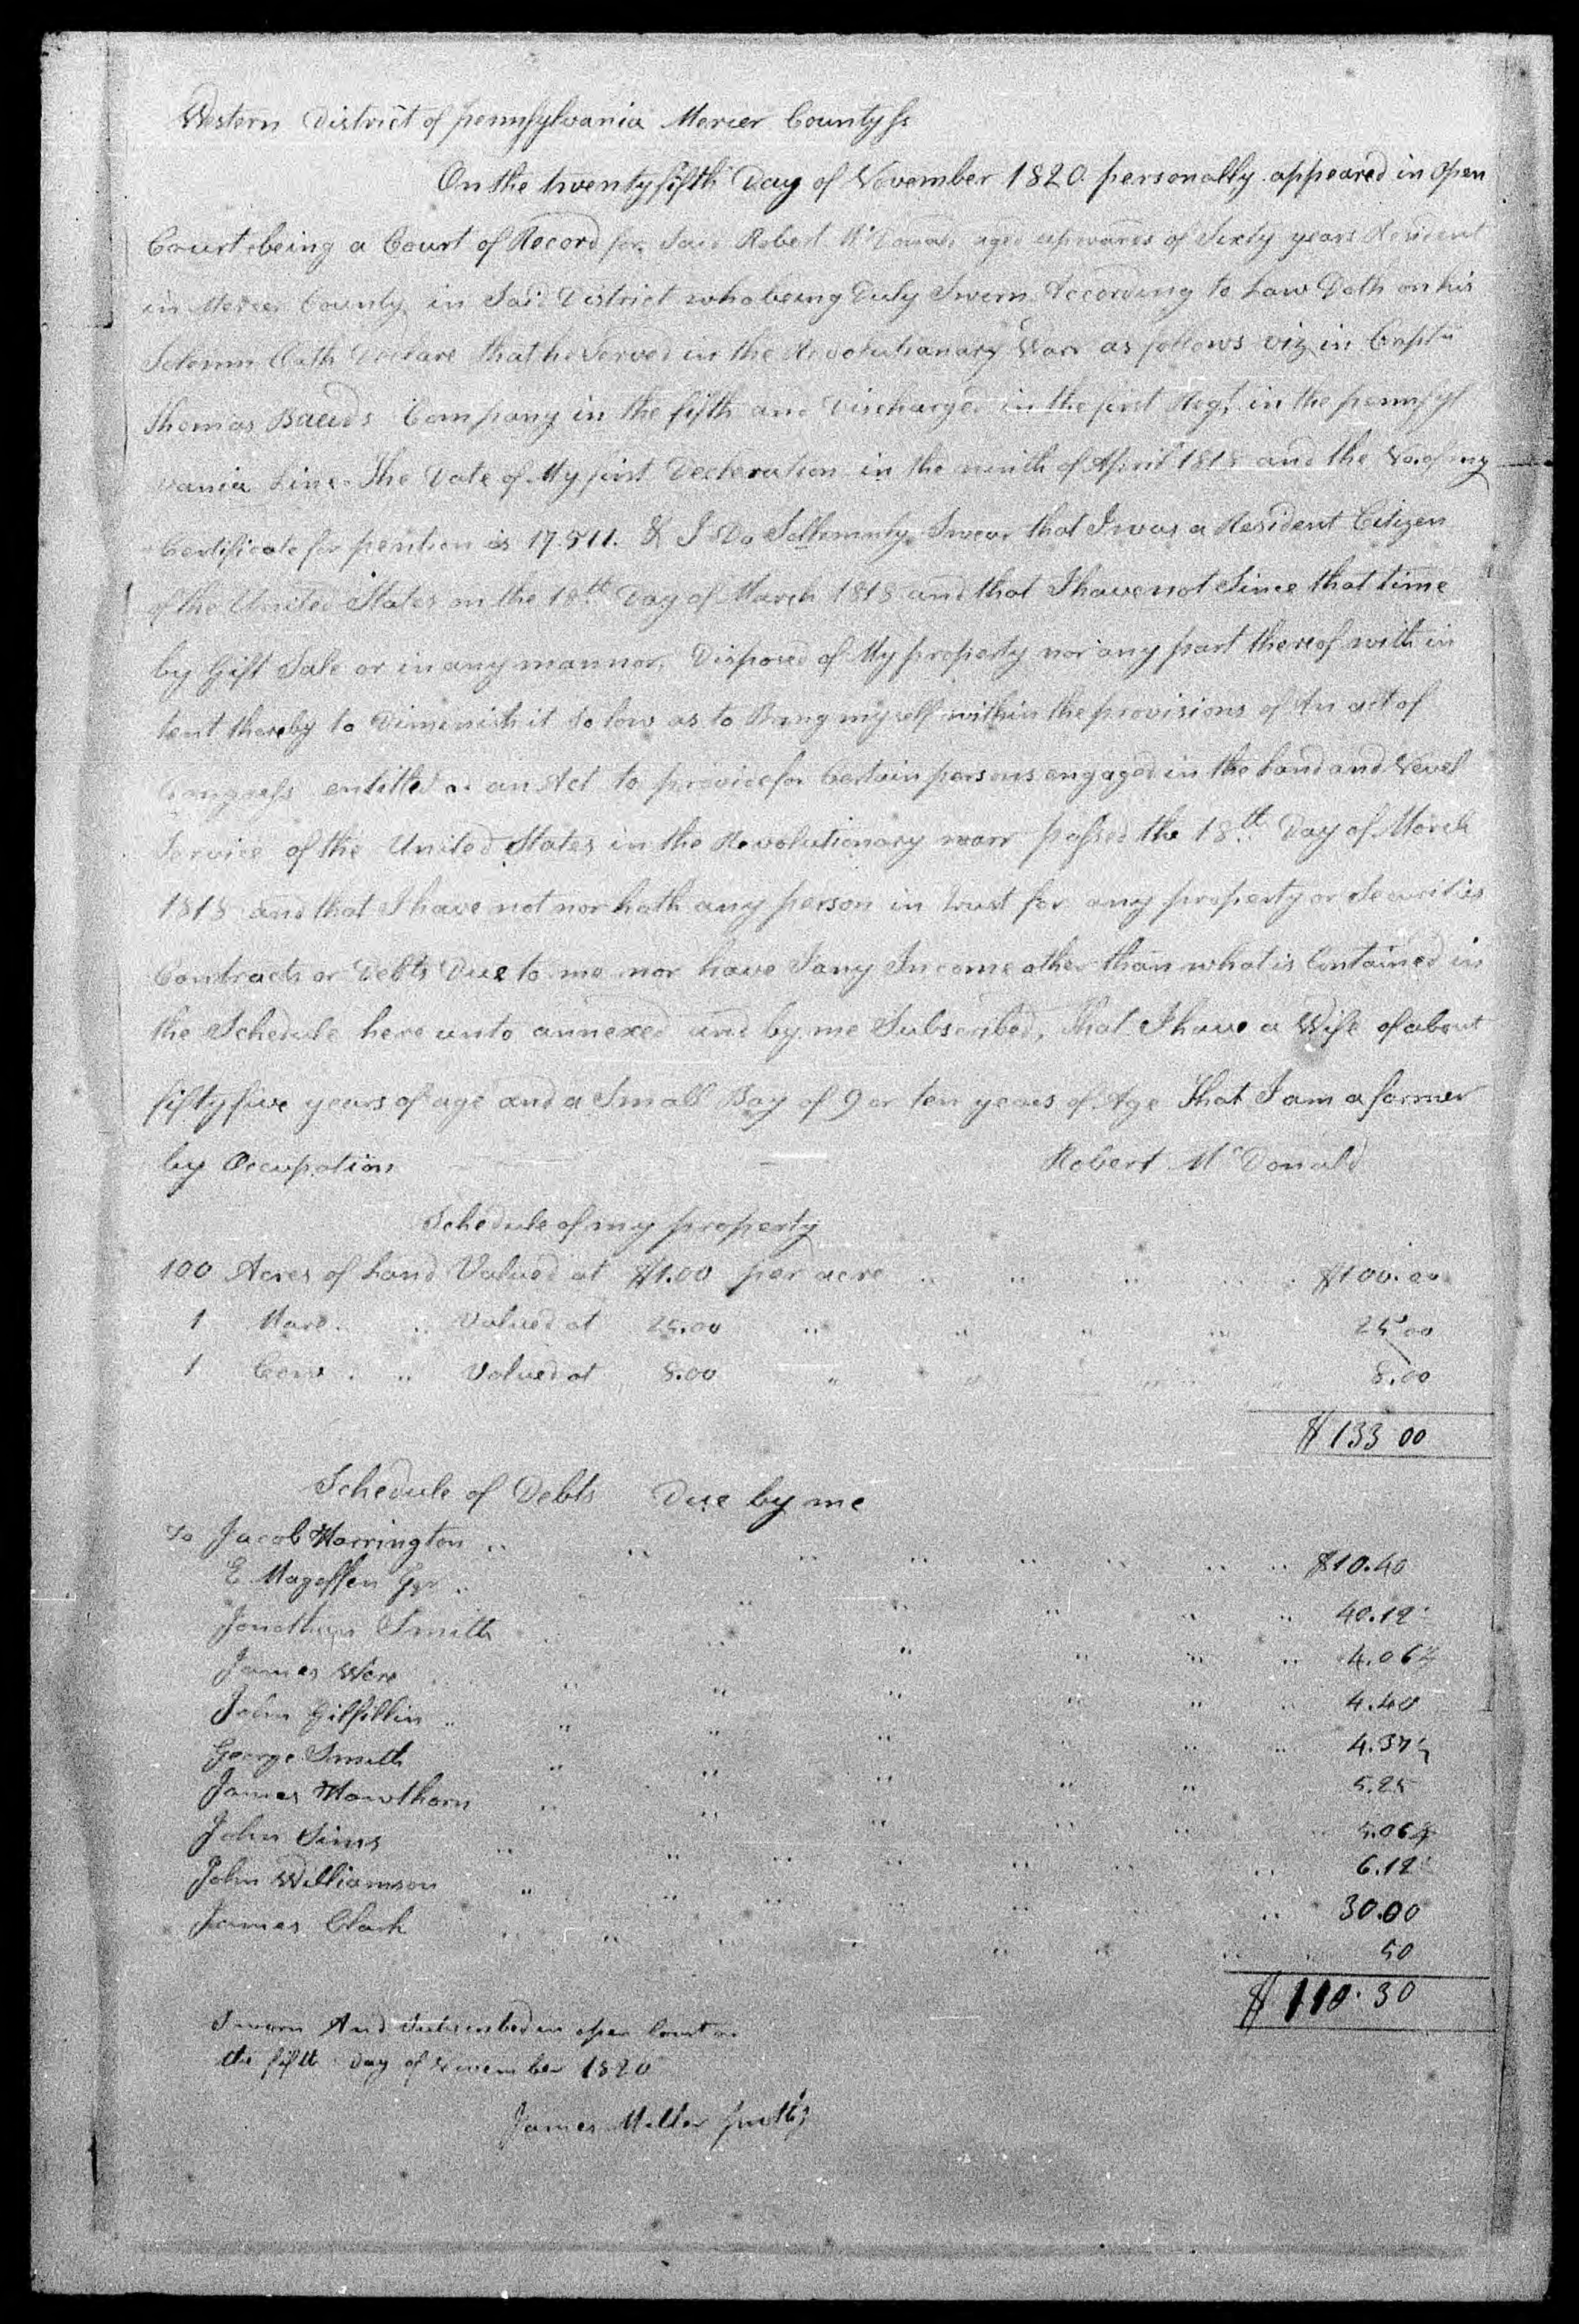Western District of Pennsylvania Mercer County
On the twenty fifth Day of November 1820 personally appeared in Open /Court being a Court of Record for said Robert McDonald aged upwards of Sixty years resident in Mercer County in Said District who being duly sworn according to Law Doth on his Solemn Oath declared that he served in the Revolutionary WAr as follows in Captain Thomas Bate's Company in the fitfh and discharged in the first Regiment in the Pennsylvania Line. The Date of my first Declaration in ninth of April 1818 and the Number Certificate for pension is 17.511. I do solemnly swear that I was a Resident Citizen of the United States on the 18th Day of Mary 1818 and that I have not since that time by gift sale or in any manner disposed of my property nor any part thereof with intent to diminish it so low as to bring myself within the provisions of the act of Congress entitled as an Act to provide for certain persons engaged in the land and Naval Service of the United States in the Revolutionary war passed the 18th day of March 1818 and that I have not nor hath any person in trust for any property or Securities Contracts or debts due to me nor have I any income other than what is contained in the Schedule hereunto annexed and by me Subscribed that I have a wife of about fifty five years of age and a small boy of 9 or ten years of age That I am a farmer by occupation Robert McDonald 
Schedule of my property
100 Acres of Land Valued at $1.00 per acre  $100.00
1 mare " " valued at 25.00    $25.00
1 cow " " valued at 8.00    8.00
            $133.00
Schedule of Debts Due by me
To Jacob Harrington  $10.40
E Mayossen    $40.12
Johnathon Smith $4.06
Jacob Giffilin $.440
George Smith  4.37
James Hawthorn 5.25
John Swiss 4.06
John Williamson 6.18
James Clark 50
---------------
                 $110.30
Sworn and Subscribed open Court the fifth day of November 1820
James Miller Prothy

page: 13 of 59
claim: widow's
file: W 3703, for Robert Mc Donald, Pennsylvania